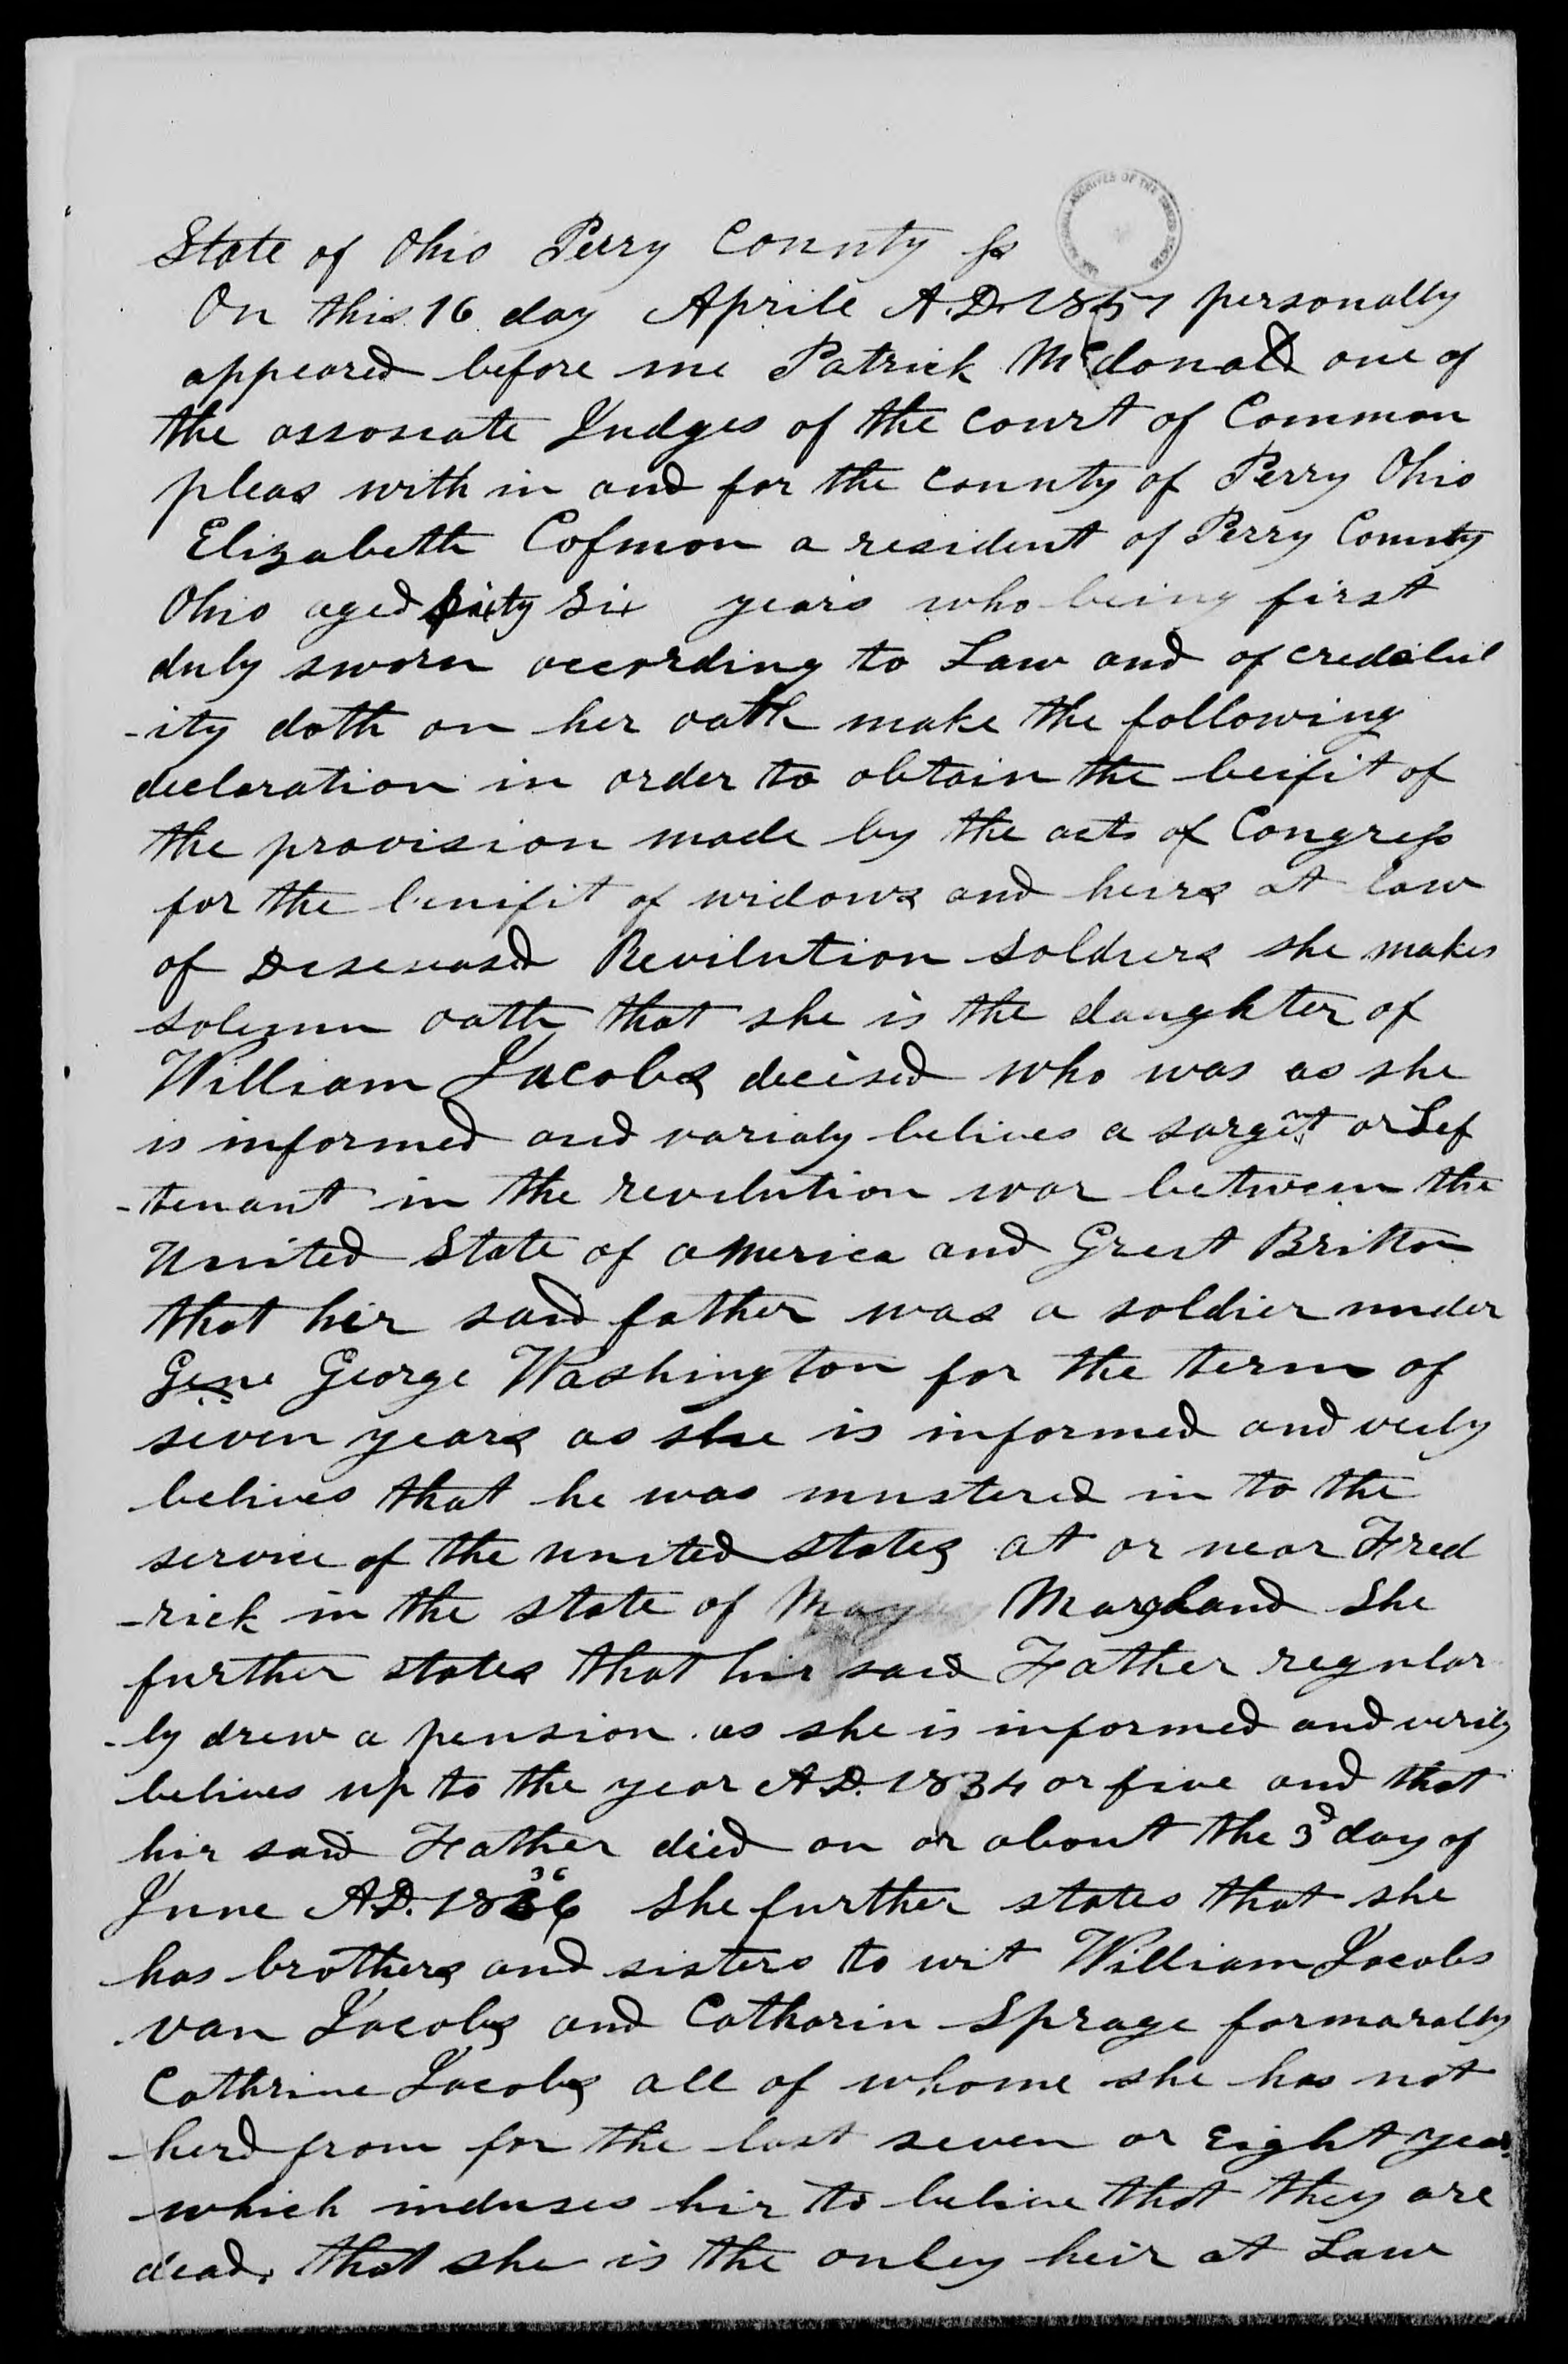State of Perry County

On this 16 day April AD 1857 personally appeared before me Patrick McDonald one of the associate judges of the court of common pleas with in and for the county of Perry Ohio Elizabeth Cofman a resident of Perry County Ohio ages sixty-six years who being first duly sworn according to law and of credibility doth on her oath make the following declaration in order to obtain the benefit of the provision made by the act of congress for the benefit of widow and heirs at law of deceased revolution soldiers she makes solemn oath that she is the daughter of William Jacobs deceased who was as she is informed and variably believes a sergeant or Lieutenant in the revolution war between the United states of America and Great Britain. That her said father was a soldier under Gen Geroge Washington for the term of seven years as she is informed and verily believes that he was mustered into the service of the United States at or near Frederick in the state of Maryland - she further states that her said father regularly drew a pension as she is informed and verily believes up to the year AD 1834 or five and that her said father died on or about the 3rd day of June AD 1836. She further states that she has brothers and sisters to wit, William Jacobs, Van Jacobs and Catharine Sprague formerly Catherine Jacobs all of whom she has not heard from for the last seven or eight years which induces her to believe that they are dead. That she is the only heir at law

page: 5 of 23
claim: survivor's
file: S. 2289, for William Jacobs, Maryland